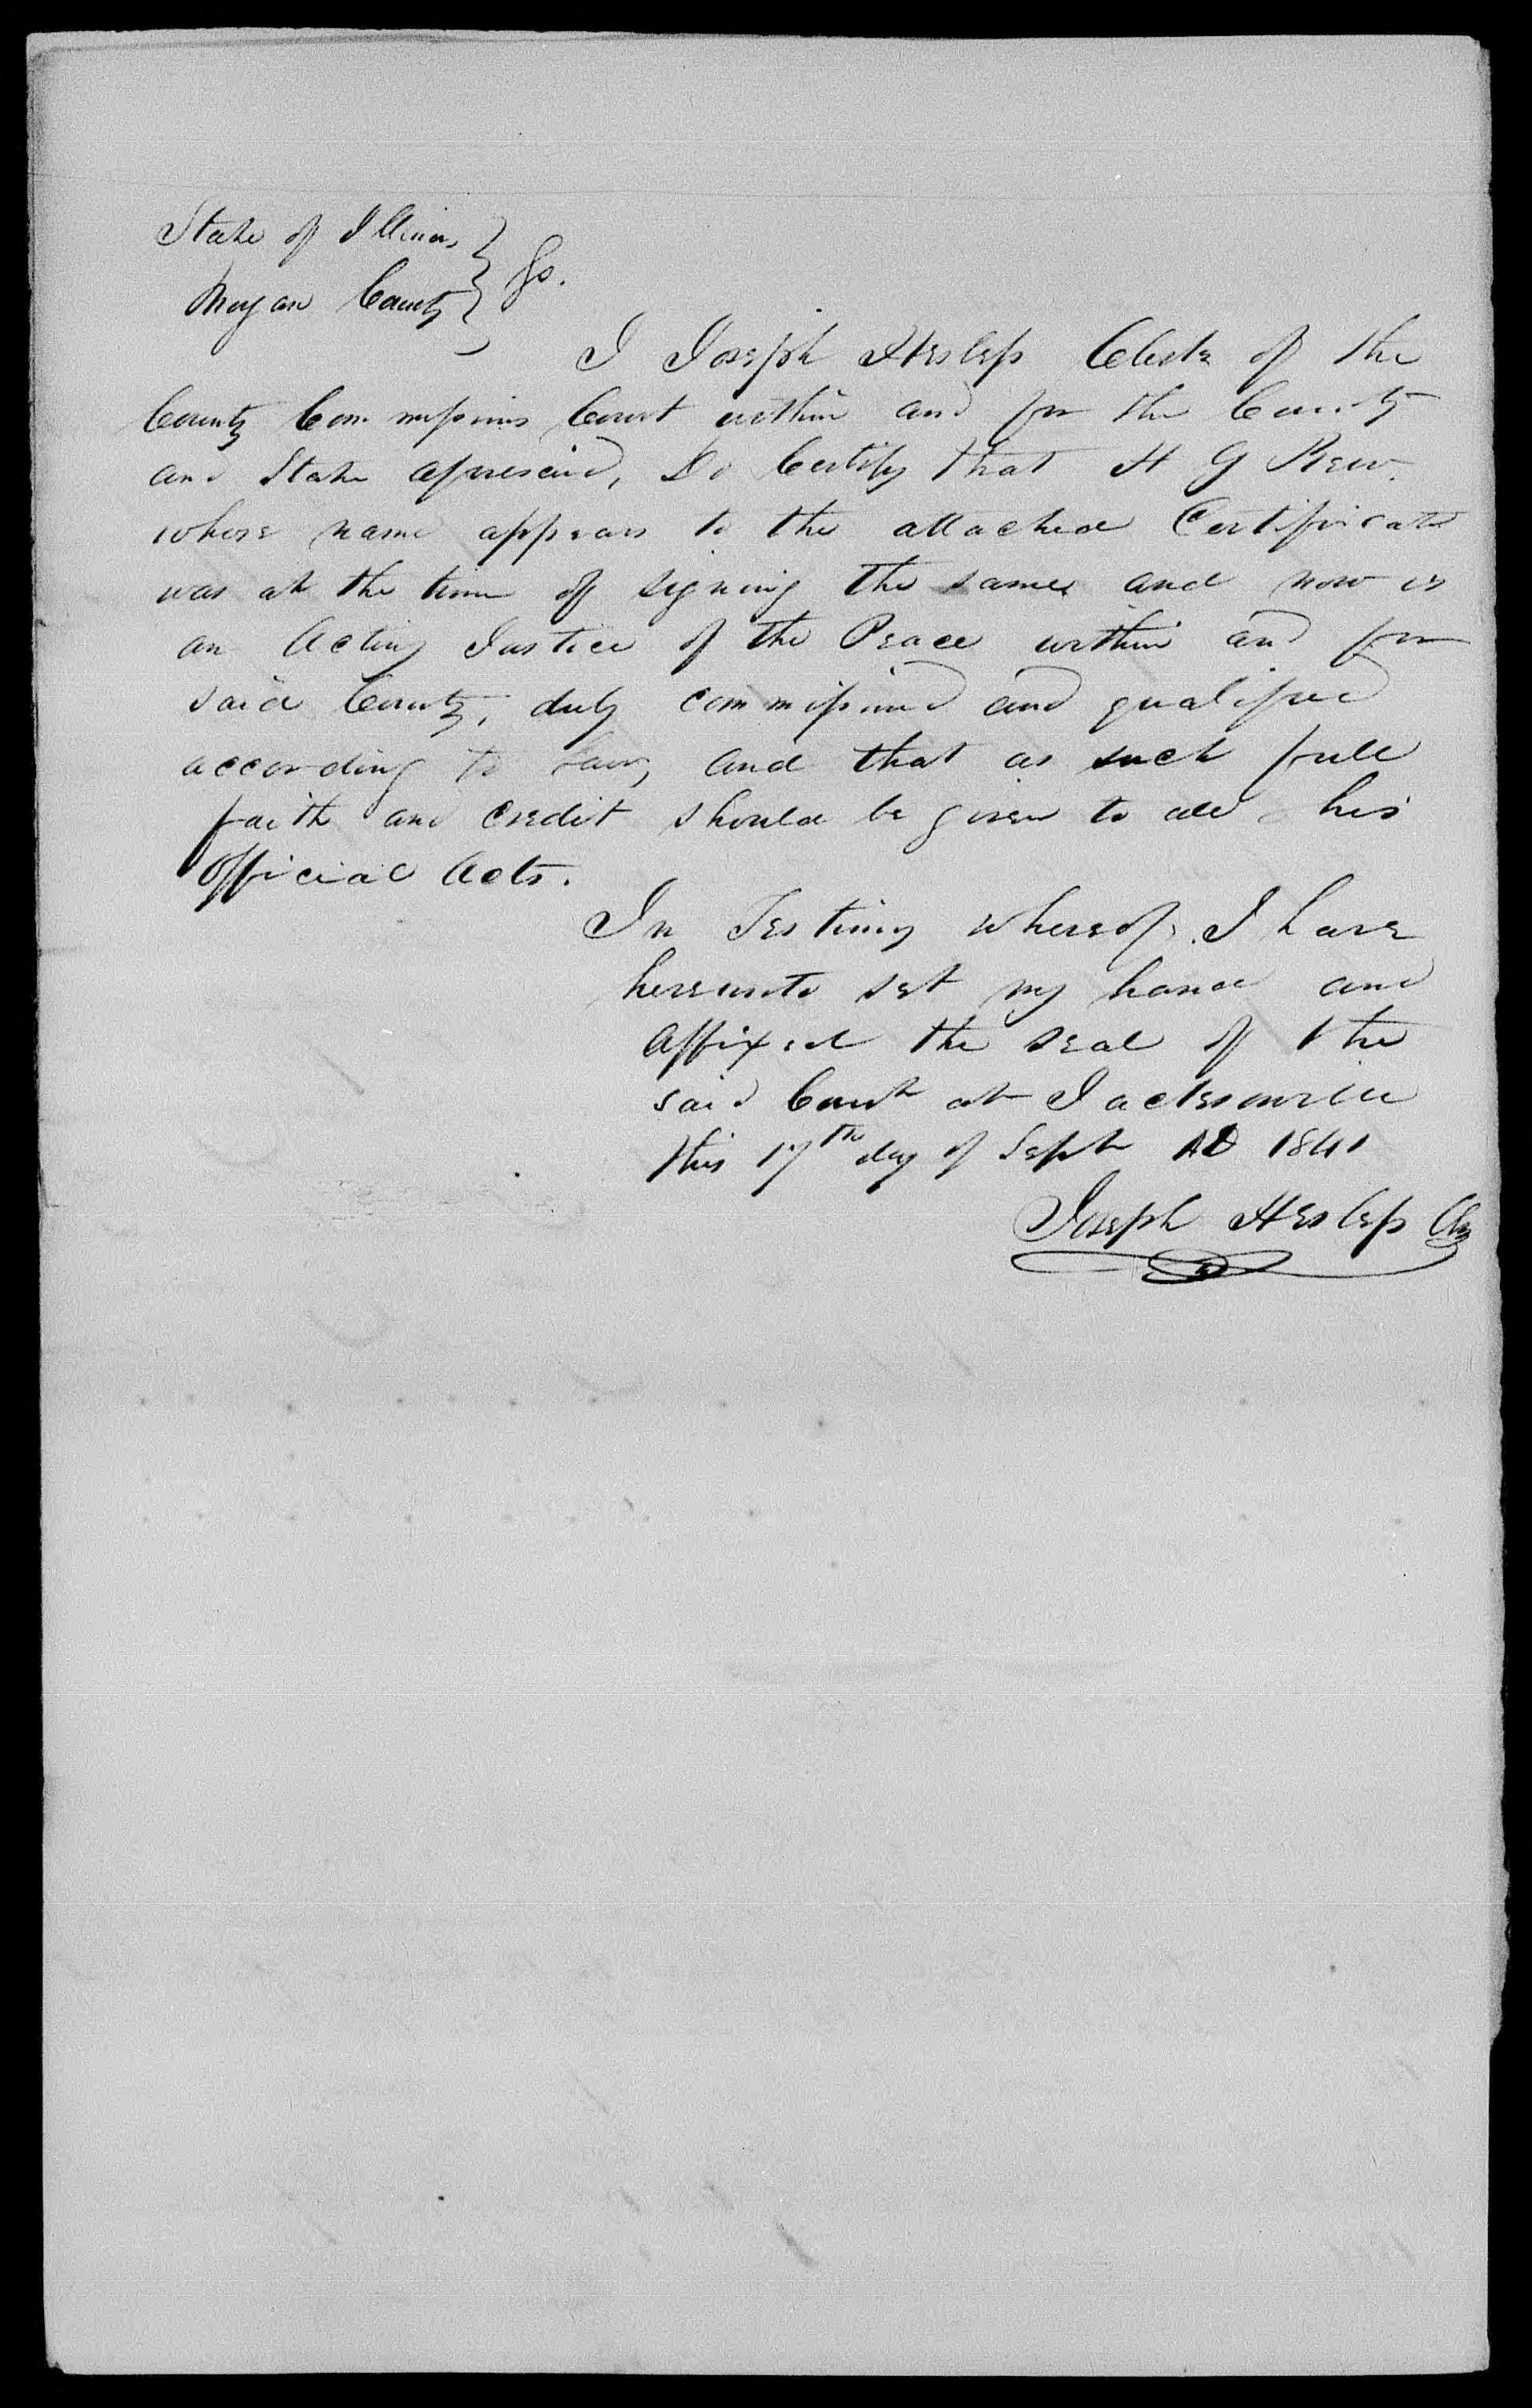State of Illinois
Morgan County
I Joseph Heslep Clerk of the
County Commissions Court within and for the County
and State aforesaid, do Certify that H G Rew
whose name appears to the attached Certificate
was at the time of signing the same and now is
an acting Justice of the Peace within and for
said County, duly commissioned and qualified
according to law, and that as such full
faith and credit should be given to all his
official acts.
In Testimony whereof I have
hereunto set my hand and
affixed the seal of the
said Court at Jacksonville
this 17th day of Sept AD 1841
Joseph Heslep Clk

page: 35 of 56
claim: rejected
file: R 5529, for Samuel Jackson, Virginia